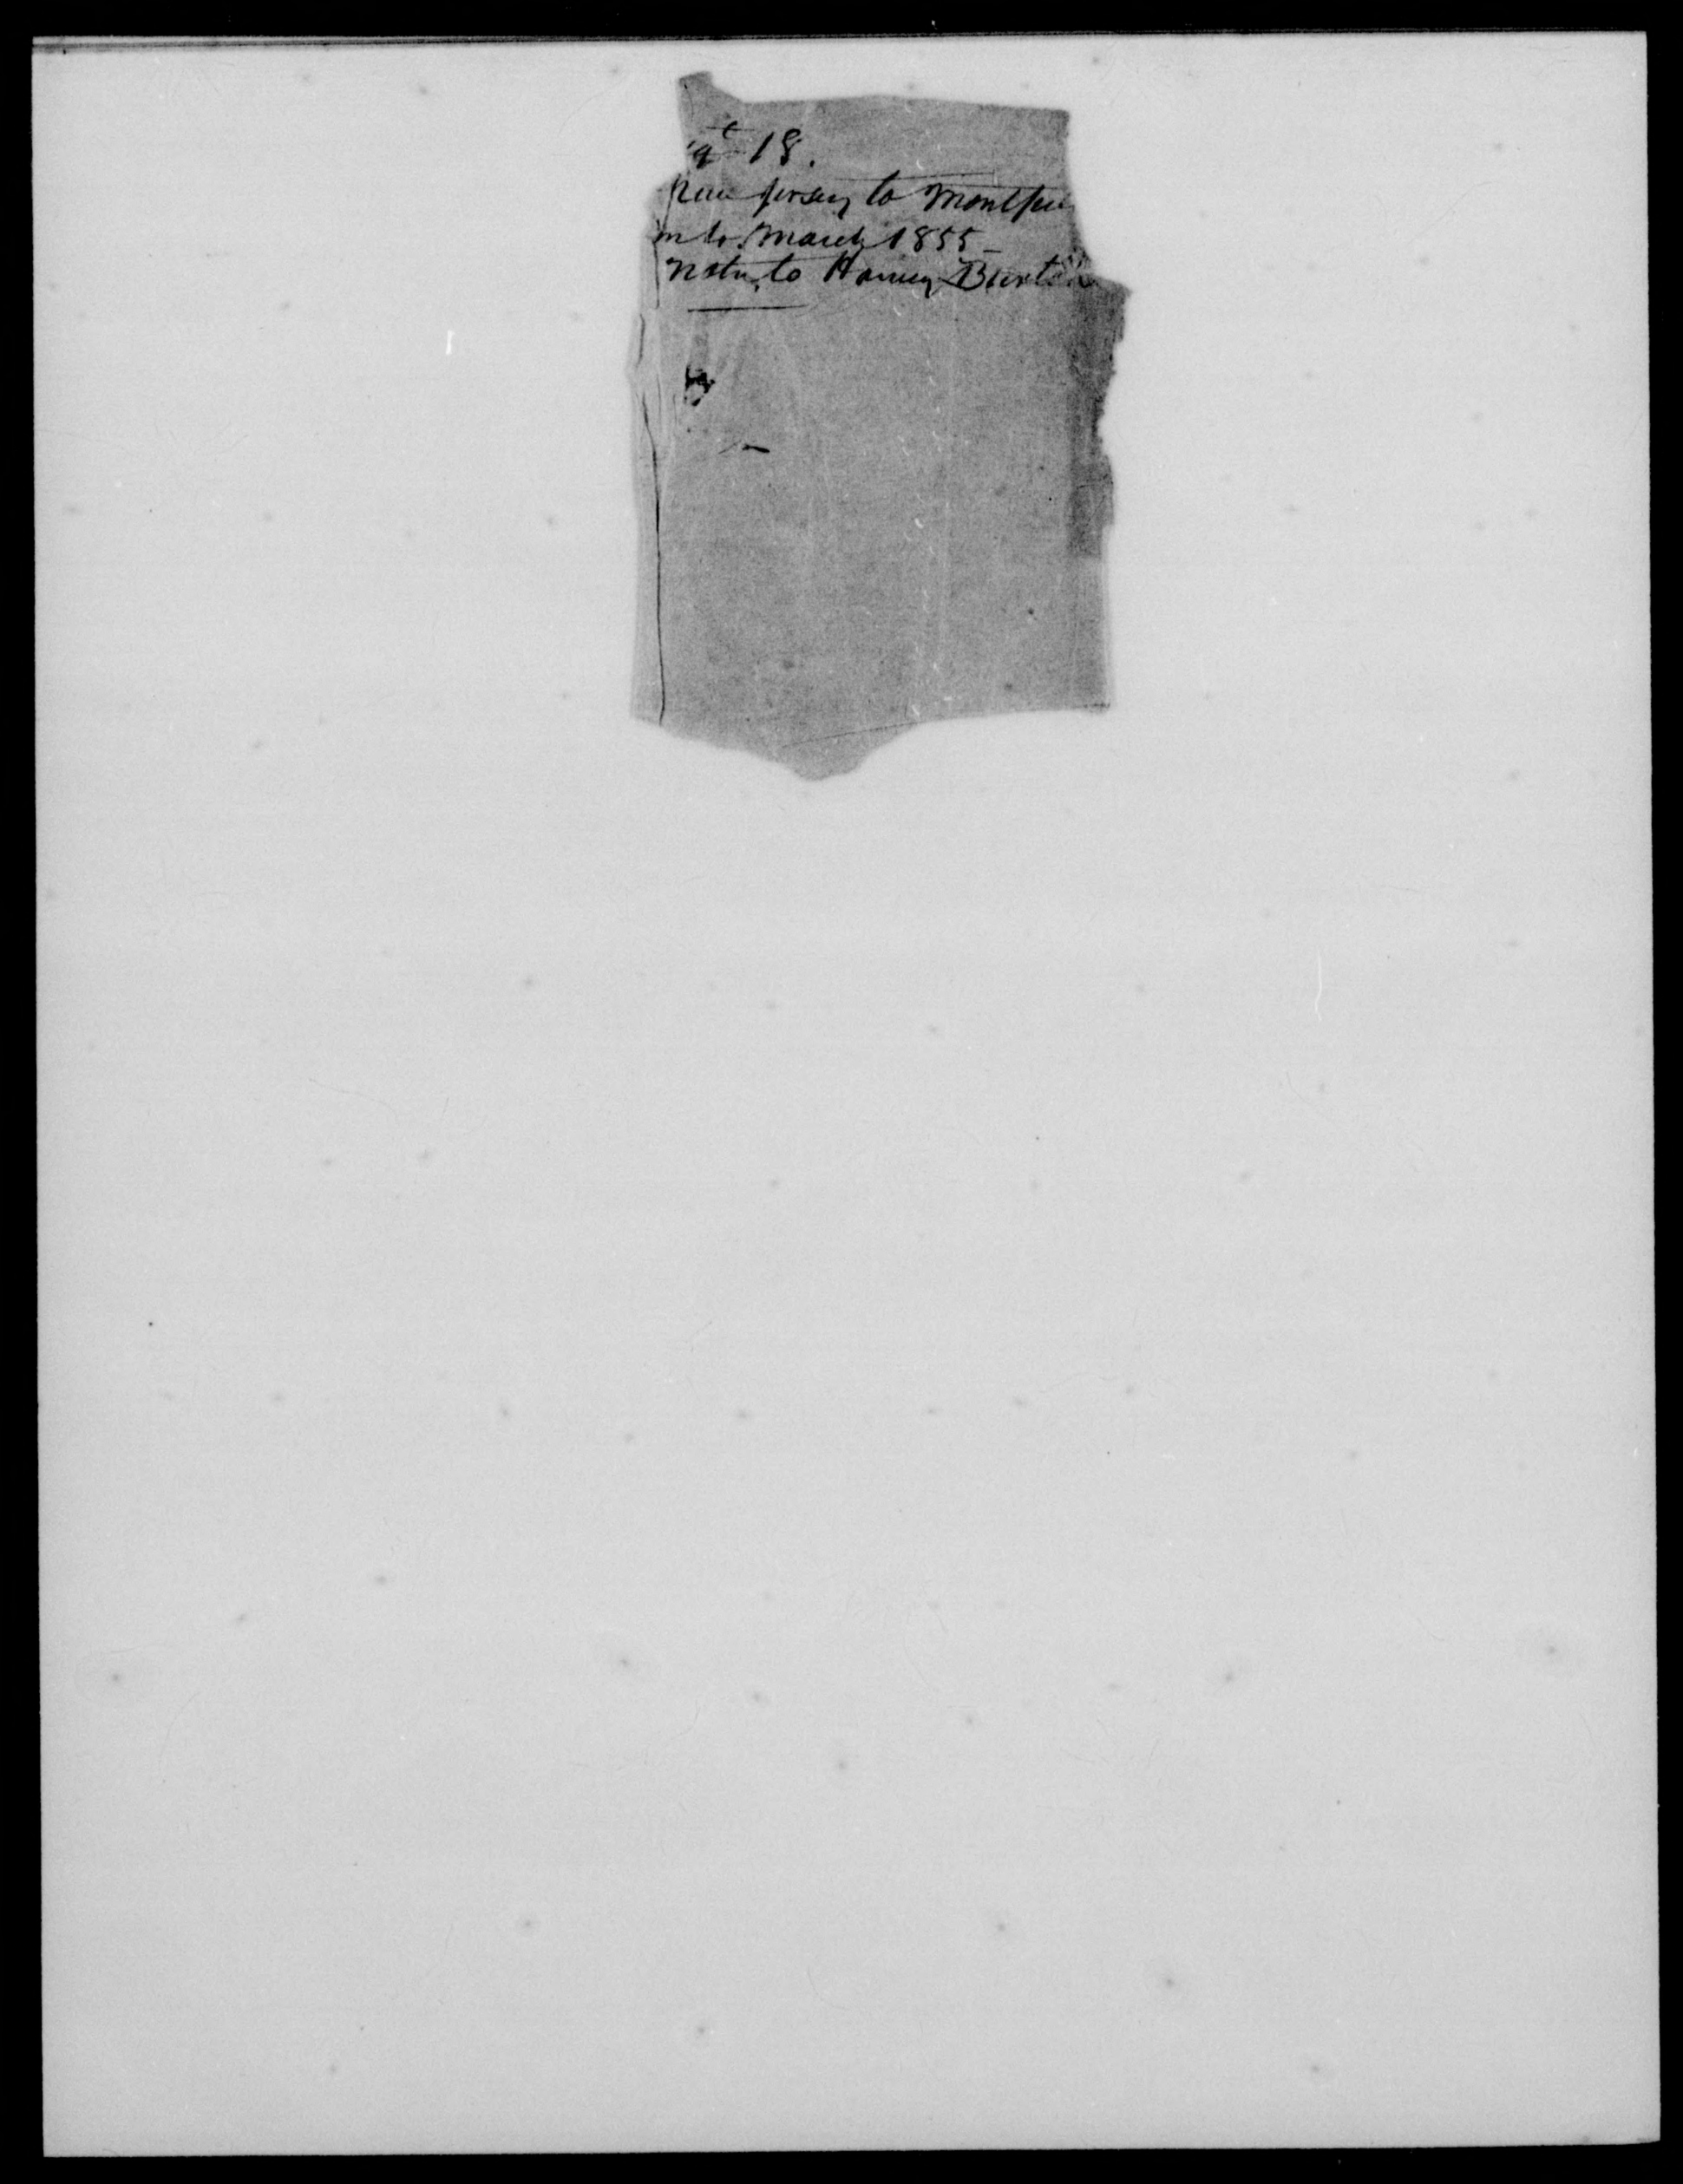18
New jersey to Montpel
m to march 1855
note to Harvey Burton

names: Harvey Burton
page: 23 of 65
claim: widow's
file: W. 7197, for Jonathan Spear, Vermont